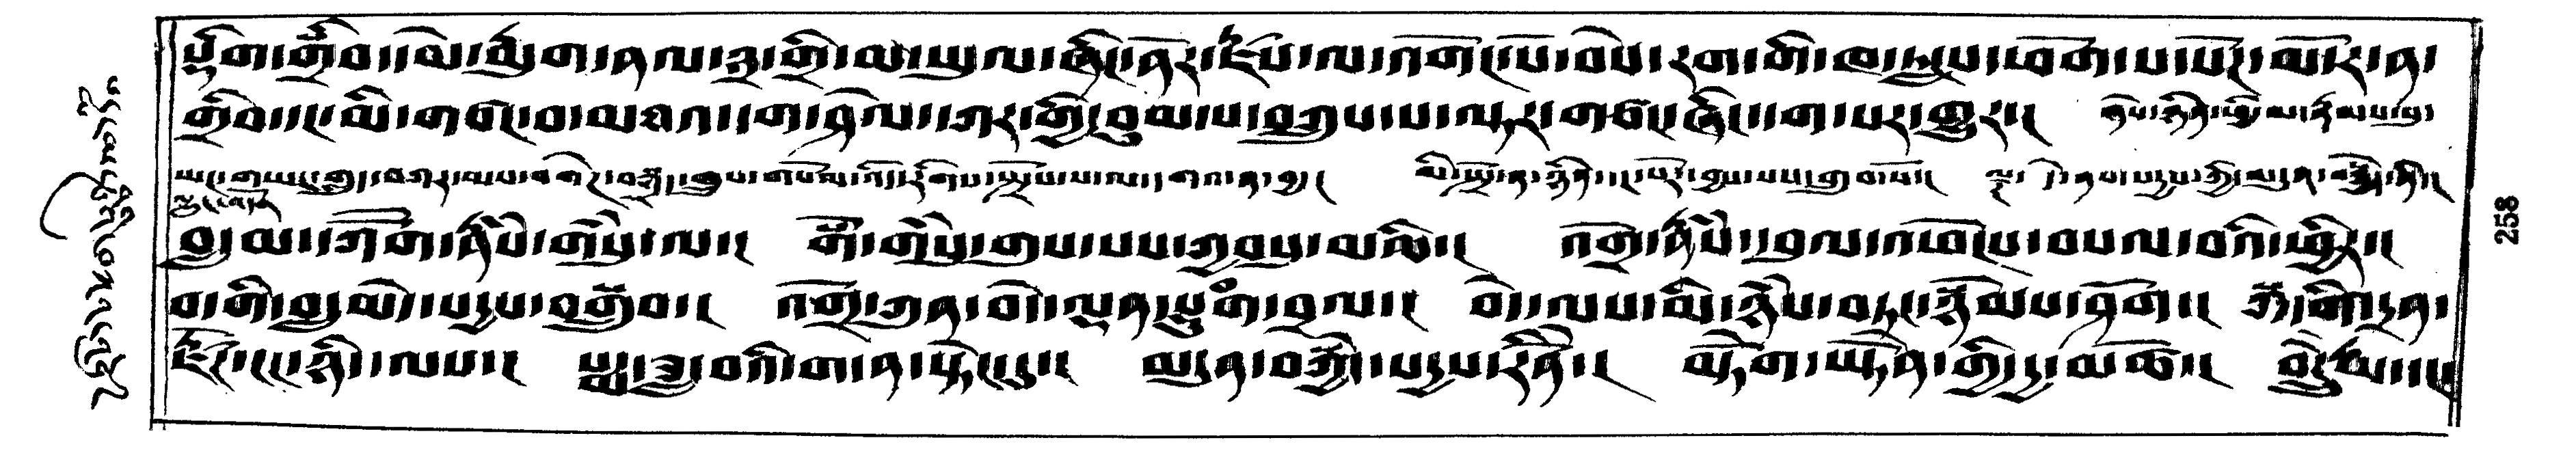སྡིག་སྒྲིབ་དམེ་རྨུག་ནལ་གསུམ་གྱི་གྲི་མ་ཡལ་ཞིང་ནོར་རྫས་ལ་འགོང་པོ་བསེ་རག་གི་ཁ་རླངས་ཕོག་པ་སོགས་མདོར་ན་
གྲིབ་དང་མི་གཙང་བ་མཐའ་དག་ཤེལ་དཀར་གྱི་བུམ་པ་བཀྲུས་པ་ལྟར་གཙང་ཞིང་དག་པར་གྱུར། ཞེས་ཉིན་ཕྱི་མ་རྣམས་སུ་
ཡང་གཡང་གླུད་བཀར་མས་བགེགས་བསྒྲད་ཁྲུས་གསོལ་འདི་རིགས་སྤྲོས་པ་ལ་དགའ་ན་བྱ། མི་སྤྲོ་ན་ཉིན་དང་པོར་བྱས་པས་གྲུབ་བོ།། ༈ དེ་ནས་སངས་རྒྱས་ཀྱི་མདུན་བསྐྱེད་ནི། 
བླ་མ་དཀོན་མཆོག་རྣམ་གསུམ་ལ། །སྒོ་གསུམ་གུས་པས་སྐྱབས་སུ་མཆི། །འགྲོ་རྣམས་དབུལ་ཕོངས་བསལ་བའི་ཕྱིར། །
བདག་གི་བླ་མེད་སངས་རྒྱས་བསྒྲུབ། །འགྲོ་ཀུན་བདེ་ལྡན་སྡུག་བསྔལ་བྲལ། །བདེ་ལས་མི་ཉམས་བཏང་སྙོམས་ཤོག །སྐད་ཅིག་དྲན་
རྫོགས་ངང་ཉིད་ལས། །པདྨ་ཟླ་བའི་གདན་སྟེང་དུ། །མདུན་བསྐྱེས་སངས་རྒྱས་རིན་པོ་ཆེ། །མེ་ཏོག་ཡོན་ཏན་གྱི་རྒྱ་མཚོ།། བཻཌཱུརྻ་དང་